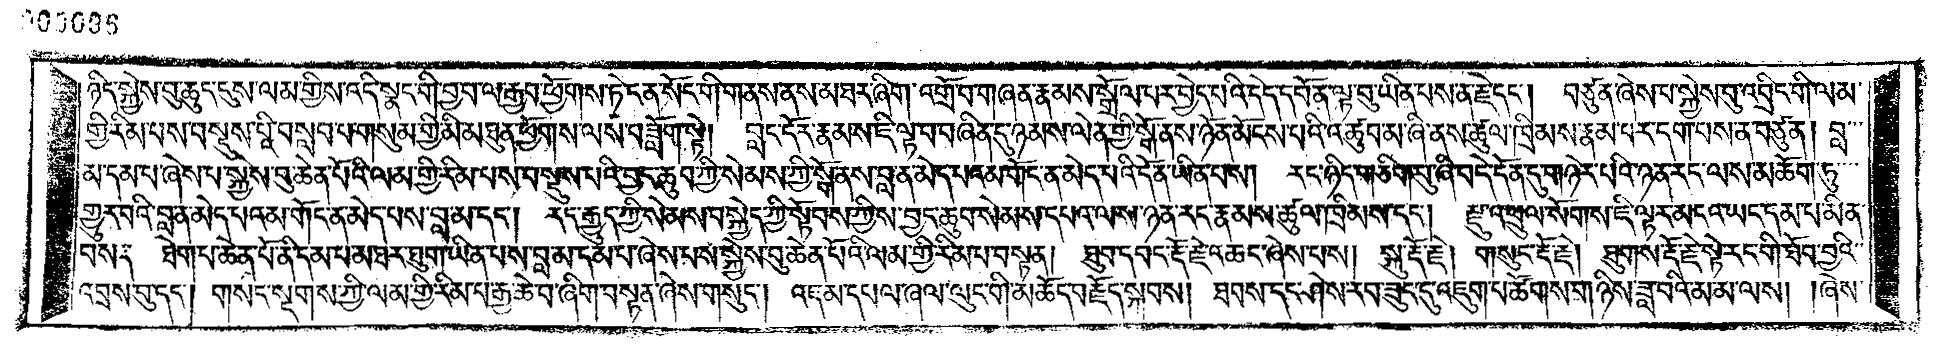ཉིད་སྐྱེས་བུ་ཆུང་ངུས་ལམ་གྱིས་འདི་སྣང་གི་བྱ་བ་ལ་རྒྱབ་ཕྱོགས་ཏེ་ངན་སོང་གི་གནས་ནས་མཐར་ཞིག་འགྲོ་བ་གཞན་རྣམས་སྒྲོལ་པར་བྱེད་པའི་དེད་དཔོན་ལྟ་བུ་ཡིན་པས་ན་རྗེ་དང་། བཙུན་ཞེས་པ་སྐྱེས་བུ་འབྲིང་གི་ལམ་
གྱི་རིམ་པས་བསྡུས་པའི་བསླབ་པ་གསུམ་གྱི་མི་མཐུན་ཕྱོགས་ལས་བཟློག་སྟེ། བླང་དོར་རྣམས་ཇི་ལྟ་བ་བཞིན་དུ་ཉམས་ལེན་གྱི་སྒོ་ནས་ཉོན་མོངས་པའི་འཚུབ་མ་ཞི་ནས་ཚུལ་ཁྲིམས་རྣམ་པར་དག་པས་ན་བཙུན། བླ་
མ་དམ་པ་ཞེས་པ་སྐྱེས་བུ་ཆེན་པོའི་ལམ་གྱི་རིམ་པས་བསྡུས་པའི་བྱང་ཆུབ་ཀྱི་སེམས་ཀྱི་སྒོ་ནས་བླ་ན་མེད་པའམ་གོང་ན་མེད་པའི་དོན་ཡིན་པས། རང་ཉིད་གཅིག་བུ་ཞི་བདེ་དོན་དུ་གཉེར་པའི་ཉན་རང་ལས་མཆོག་ཏུ་
གྱུར་བའི་བླ་ན་མེད་པའམ་གོང་ན་མེད་པས་བླ་མ་དང་། རང་རྒྱུད་ཀྱི་སེམས་བསྐྱེད་ཀྱི་སྟོབས་ཀྱིས་བྱང་ཆུབ་སེམས་དཔའ་ལས་ཉན་རང་རྣམས་ཚུལ་ཁྲིམས་དང་། རྫུ་འཕྲུལ་སོགས་ཇི་ལྟར་མངའ་ཡང་དམ་པ་མིན་
བས༑ ཐེག་པ་ཆེན་པོ་ནི་དམ་པ་མཐར་ཐུག་ཡིན་པས་བླ་མ་དམ་པ་ཞེས་པས་སྐྱེས་བུ་ཆེན་པོའི་ལམ་གྱི་རིམ་པ་བསྟན། ཐུབ་དབང་རྡོ་རྗེ་འཆང་ཞེས་པས། སྐུ་རྡོ་རྗེ། གསུང་རྡོ་རྗེ། ཐུགས་རྡོ་རྗེ་སྟེ་རང་གི་ཐོབ་བྱའི་
འབྲས་བུ་དང་། གསང་སྔགས་ཀྱི་ལམ་གྱི་རིམ་པ་རྒྱ་ཆེ་བ་ཞིག་བསྟན་ཞེས་གསུང་། འཇམ་དཔལ་ཞལ་ལུང་གི་མཆོད་བརྗོད་སྐབས། ཐབས་དང་ཤེས་རབ་ཟུང་དུ་འཇུག་པ་ཚོགས་གཉིས་ཟླ་བའི་མ་མ་ལས། །ཞེས་